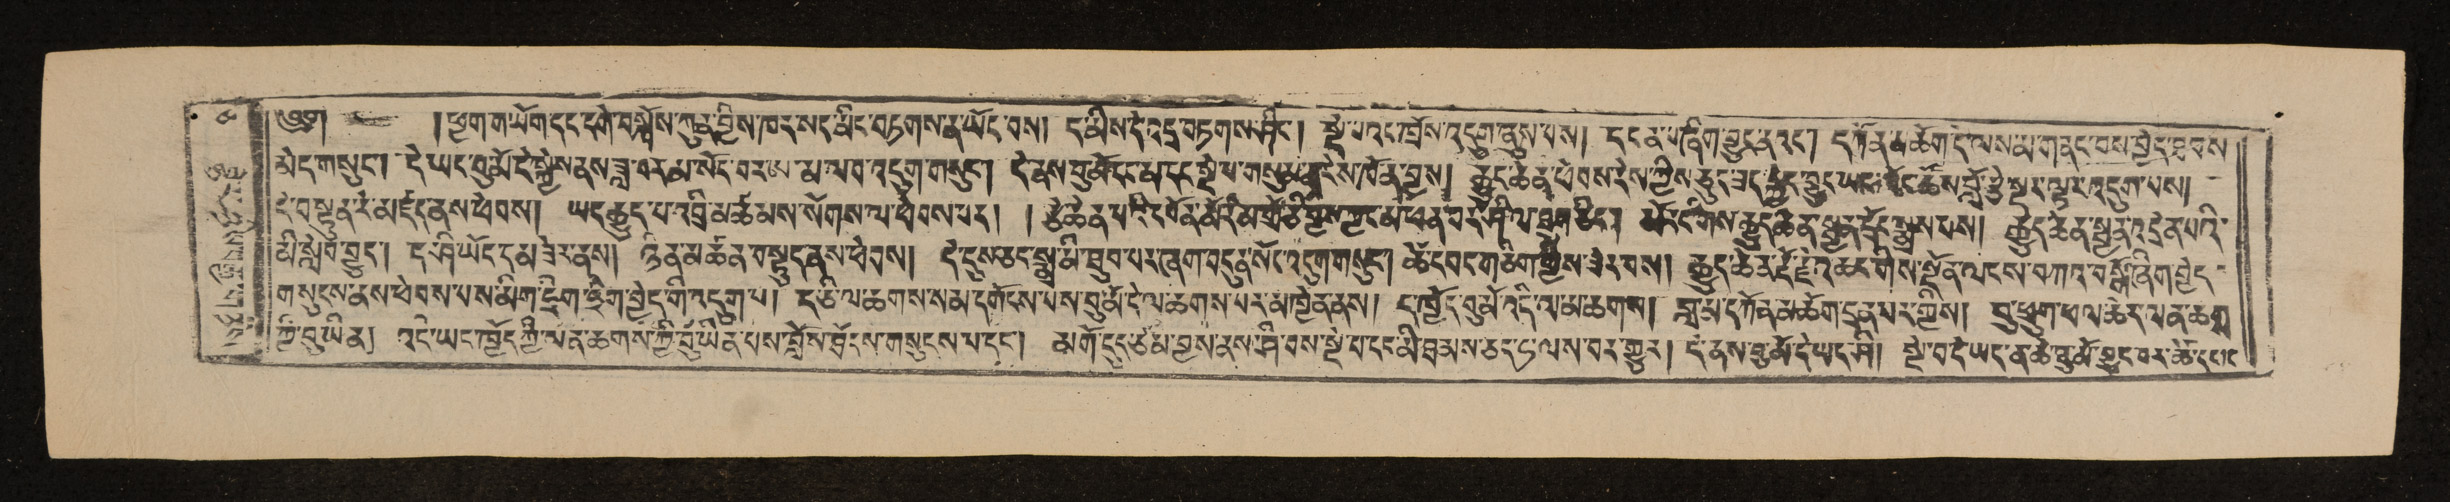༄༅། །ཕྱག་གཡོག་དང་དགེ་བསྐོས་ཀུན་གྱིས་ཁར་སང་མིང་བཏགས་ན་ཡོང་བས། དམིས་དེ་འདྲ་བཏགས་ཤིང་། སྡེ་པའང་ཁྲོས་འདུག་ཞུས་པས། དང་ན་པ་ཞིག་བྱུང་ནའང་། དཀོན་མཆོག་དེ་ལས་མ་གནང་བས་བྱེད་ཐབས་
མེད་གསུང་། དེ་ཡང་བུ་མོ་དེ་སྐྱེས་ནས་ཟླ་བར་མ་སོང་བར་ཨ་མ་ལབ་འདུག་གསུང་། དེ་ནས་བུ་མོ་དང་མ་དང་སྡེ་པ་གསུམ་ན་རེས་ཁོ་ན་བྱས། རྒྱུད་ཆེན་ཕེབས་རེས་ཀྱིས་ཅུང་ཟད་སྐྱེད་བྱུང་ཡང་ཁོང་ཚོས་བློ་རྩེ་སྔར་ལྟར་འདུག་པས།
དེ་བསྟུན་རེ་མཛད་ནས་ཕེབས། ཡང་རྒྱུད་པ་འབྲི་མཚམས་སོགས་ལ་ཕེབས་བར། རྩེ་ཆེན་པའི་དཔོན་མོ་རིམ་གྲོ་ཅི་བྱས་ཀྱང་མ་ཕན་པར་ཤི་ལ་ཐུག་ཅིང་། མོ་རང་གིས་རྒྱུད་ཆེན་སྤྱན་དྲོང་སྨྲས་པས། རྒྱུད་ཆེན་སྤྱན་འདྲེན་པའི་
མི་སླེབ་བྱུང་། ད་ཤི་ཡོད་དམ་ཟེར་ནས། ཉིན་མཚན་བསྟུད་ནས་ཕེབས། དེ་དུས་ཅང་སྨྲ་མི་ཐུབ་པར་ཞག་བདུན་སོང་འདུག་གསུང་། ཚེ་དབང་གཅིག་གྱིས་ཟེར་བས། རྒྱུད་ཆེན་རྡོ་རྗེ་འཆང་གིས་སྔོན་ལ་ངས་བཀའ་བསྒོ་ཞིག་བྱེད་
གསུངས་ནས་ཕེབས་པས་མིག་ཧྲིག་ཧྲིག་བྱེད་གི་འདུག་པ། ད་ཅི་ལ་ཆགས་སམ་དགོངས་པས་བུ་མོ་དེ་ལ་ཆགས་པར་མཁྱེན་ནས། ད་ཁྱོད་བུ་མོ་འདི་ལ་མ་ཆགས། བླ་མ་དཀོན་མཆོག་དྲན་པར་གྱིས། བུ་ཕྲུག་ཕལ་ཆེར་ལན་ཆགས་
ཀྱི་བུ་ཡིན། འདི་ཡང་ཁྱོད་ཀྱི་ལན་ཆགས་ཀྱི་བུ་ཡིན་པས་བློས་ཐོངས་གསུངས་པ་དང་། མགོ་དུད་ཙམ་བྱས་ནས་ཤི་བས་སྡེ་བ་དང་མི་ཐམས་ཅད་ཧ་ལས་པར་གྱུར། དེ་ནས་བུ་མོ་དེ་ཡང་ཤི། སྡེ་པ་དེ་ཡང་ན་ཚ་ཐུ་མོ་བྱུང་བར་ཚེ་དབང་